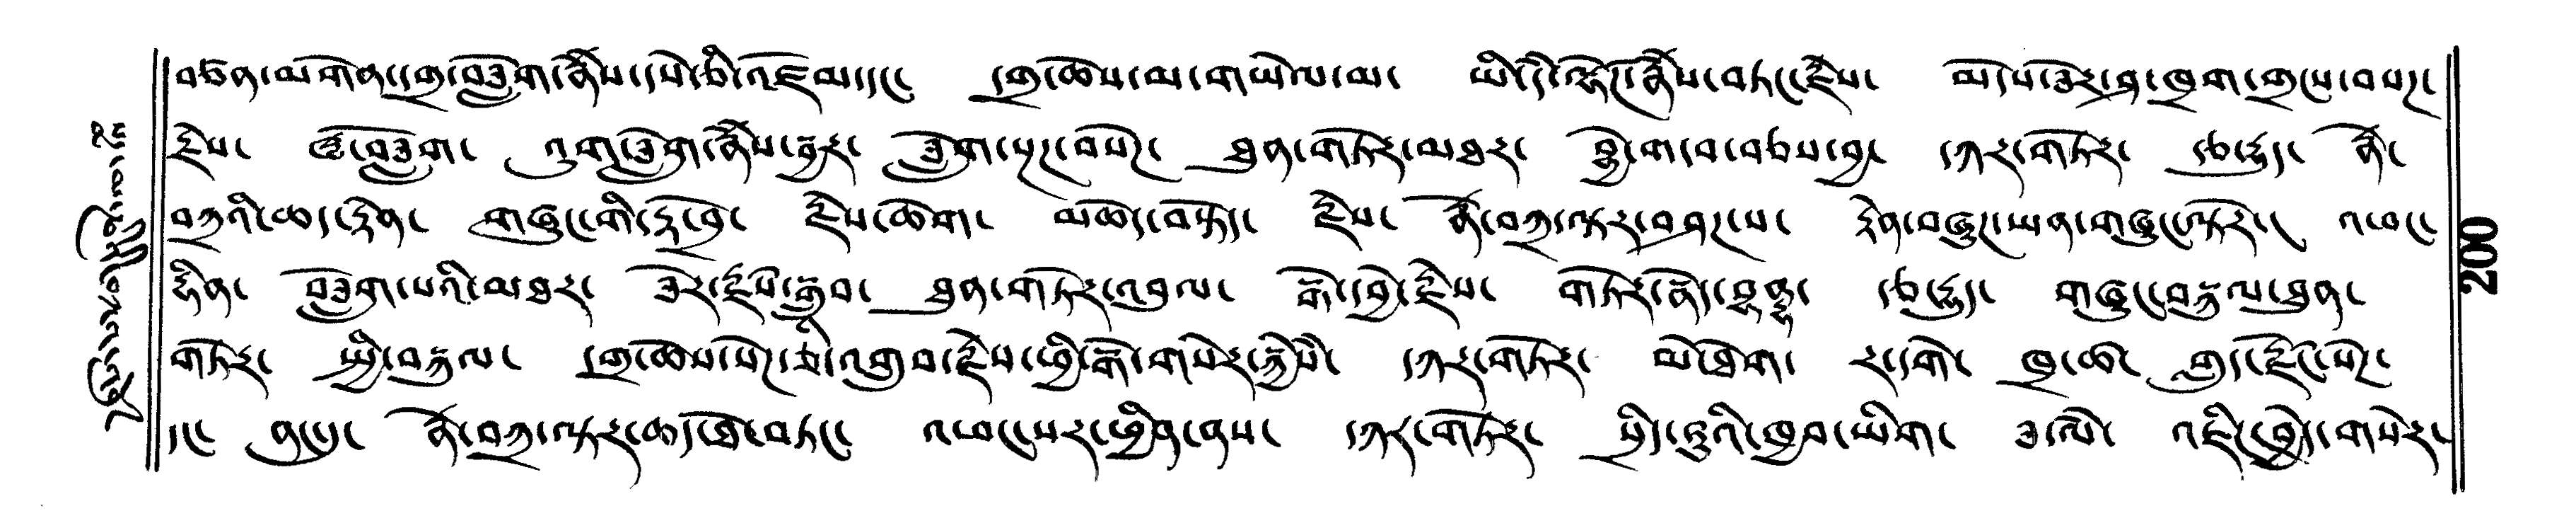བཙན་མགོན་དགྲ་བཟློག་རྣམས་དཔེ་ཅི་འཛོམ་དང་། དགྲ་ཆོས་མ་གཡེལ་མ། ཡི་དམ་ལྷ་ཚོགས༴ རྣམས་བཏང་རྗེས། མདོས་ཟོར་ཤ་ཁྲག༴ གྲངས་གསོག་
རྗེས། ཝ་བཟློག འུག་ཟློག་རྣམས་སྦྱར། ཟློག་སྔགས་བསག ཐུན་གཏོར་མཐར། བྷྱོ་གདབ་བཅས་བྱ། དཀར་གཏོར། རྩ་རྒྱུད༴ རྣོ་
བཀྲའི་ཆད་བརྟན། གཞུང་གི་རྟ་བྲོ། རྗེས་ཆོག མཆོད་བསྟོད་རྗེས། རྣོ་བཀྲ་ལྟར་བཤགས་པ། རྟེན་བཞུགས་ཡན་གཞུང་ལྟར། འཕང་
ཉིན། བཟློག་པའི་མཐར། ཟོར་རྫས་སྒྲུབ། ཐུན་གཏོར་འབུལ། སྒོ་དབྱེ་རྗེས། གཏོར་སྣོད་བྷནྡྷ༴ རྩ་རྒྱུད༴ གཞུང་བསྐུལ་ཐུན་
གཏོར། སྤྱི་བསྐུལ། དགྲ་ཆོས་སོགས་ཅི་འགྲུབ་རྗེས་ཕྱི་སྒོ་གསེར་སྐྱེམས། དཀར་གཏོར། མེ་ཐོག ར་དགེ ཁྲ་ཚ། གླུད་རྫོངས་སོགས་
དང་། ནང་དུ་རྣོ་བཀྲ་ལྟར་ཆད་ཐོ་བཏང་། འཕང་སར་ཕྱིན་ནས། དཀར་གཏོར། སྲིད་ཧོའི་རྒྱབ་ཡིག ཟ་ལམ། འཇིགས་བྱེད་གསེར་